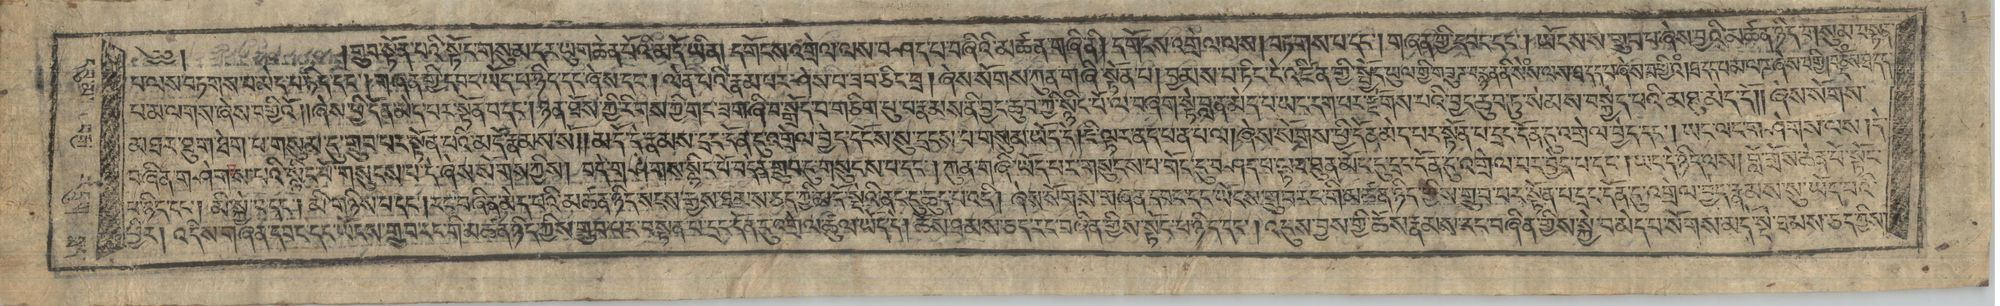༄༅། །གྲུབ་སྟོན་པའི་སྟོང་གསུམ་དར་ཡུགྖེན་པོའི་མདོ་ཡིན། དགོངས་འགྲེལ་ལས་བཤད་པ་བཞིའི་མཚན་གཞི་ནི། དགོངས་འགྲེལ་ལས། བཏགས་པ་དང་། གཞན་གྱི་དབང་དང་། ཡོངས་སུ་?་གྲུབ་པ་ཞེས་བྱའི་མཚན་ཉིད་གསུམ་བསྟན་
པ་ལས་བཏགས་པ་མེད་པ་ཉིད་དང་། གཞན་གྱི་དབང་ཡོད་པ་ཉིད་དང་ཞེས་དང་། ལེན་པའི་རྣམ་པར་ཤེས་པ་ཟབ་ཅིང་ཕྲ། ཞེས་སོགས་ཀུན་གཞི་སྟོན་པ། བྱམས་པ་ཏིང་ངེ་འཛིན་གྱི་སྤྱོད་ཡུལ་གྱི་གཟུགས་བརྙན་ནི་སེཾས་ལས་ཐ་དད་པ་ཞེས་བགྱིའཾ།ཐ་དད་པ་མ་ལཌ་ཞེས་བགྱི། བཅོཾ་ལྡན་འདས་ཐ་དད་
པ་མ་ལགས་ཞེས་བགྱིའོ། །ཞེས་ཕྱི་དོན་མེད་པར་སྟོན་པ་དང་། ཉན་ཐོས་ཀྱི་རིགས་ཀྱི་གང་ཟག་ཞི་བ་སྒྲོདཔ་གཅིག་པུ་བ་རྣམས་ནི་བྱང་ཆུབ་ཀྱི་སྙིང་པོ་ལ་བཞག་སྟེ་བླ་ན་མེད་པ་ཡང་དག་པར་རྫོགས་པའི་བྱང་ཆུབ་ཏུ་སེམས་བསྐྱེད་པའི་མཐུ་མེད་དོ། །ཞེས་སོགས་
མཐར་ཐུག་ཐེག་པ་གསུམ་དུ་གྲུབ་པར་སྟོན་པའི་མདོ་རྣམས་སོ། །མདོ་དེ་རྣམས་དྲང་དོན་དུ་འགྲེལ་བྱེད་དངོས་སུ་དྲངས་པ་གསུམ་ཡོད་དེ། ཇི་ལྟར་ནད་པ་ན་བ་ལ། ཞེས་སོགས་ཕྱི་དོན་མེད་པར་སྟོན་པ་དྲང་དོན་དུ་འགྲེལ་བྱེད་དང་། ཡང་ལང་གཤེགས་ལས། དེ་
བཞིན་གཤེགས་པའི་སྙིང་པོ་གསུངས་པ་དེ་ཞེས་སོགས་ཀྱིས། བདེ་གཤེགས་སྙིང་པོ་བདེན་གྲུབ་དུ་གསུངས་པ་དང་། ཀུན་གཞི་ཡོད་པར་གསུངས་པ་གོང་དུ་བཤད་པ་ལྟར་ཐུན་མོང་དུ་དྲང་དོན་དུ་འགྲེལ་པར་བྱེད་པ་དང་། ཡང་དེ་ཉིད་ལས། བློ་གྲོས་ཆེན་པོ་སྟོང་
པ་ཉིད་དང་། མི་སྐྱེ་བ་དང་། མི་གཉིས་པ་དང་། རང་བཞིན་མེད་པའི་མཚན་ཉིད་སངས་རྒྱས་ཐམས་ཅད་ཀྱི་མདོ་སྡེའི་ནང་དུ་ཆུད་པ་འདི། ཞེས་སོགས་གཞན་དབང་དང་ཡོངས་གྲུབ་རང་གི་མཚན་ཉིད་གྱིས་གྲུབ་པར་སྟོན་པ་དྲང་དོན་དུ་འགྲེལ་བྱེད་རྣམས་སུ་ཡོད་པའི་
ཕྱིར། འདིས་གཞན་དབང་དང་ཡོངས་གྲུབ་རང་གི་མཚན་ཉིད་ཀྱིས་གྲུབ་པར་བསྟན་པ་དྲང་དོན་དུ་འགྲེལ་ཚུལ་ཡོད་དེ། ཆོས་ཐམས་ཅད་རང་བཞིན་གྱིས་སྟོང་པ་ཉིད་དང་། འདུས་བྱས་ཀྱི་ཆོས་རྣམས་རང་བཞིན་གྱིས་སྐྱེ་བ་མེད་པ་སོགས་མདོ་སྡེ་ཐམས་ཅད་ཀྱིས་